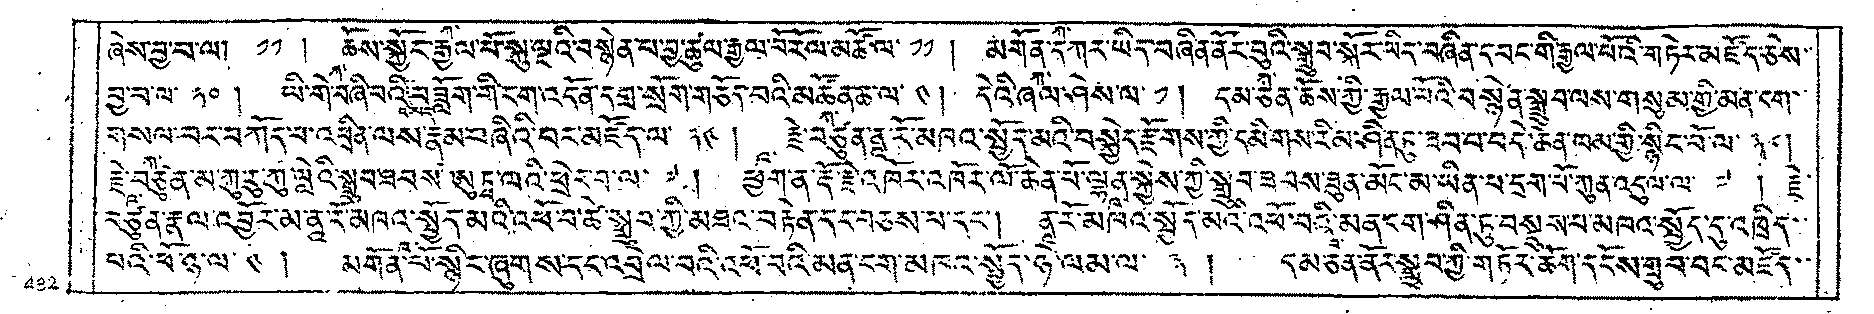ཞེས་བྱ་བ་ལ། ༡༡། ཆོས་སྐྱོང་རྒྱལ་ཀ་པོ་སྐུ་ལྔའི་བསྙེན་པ་བྱ་ཚུལ་རྒྱལ་པོ་རོལ་མཚོ་ལ ༡༡། མགོན་{ཀ}་དཀར་ཡིད་བཞིན་ནོར་བུའི་སྒྲུབ་སྐོར་ཡིད་བཞིན་དབང་གི་རྒྱལ་པོའི་གཏེར་མཛོད་ཅེས་
བྱ་བ་ལ ༢༠། ཡི་གེ་ཀ་བཞི་པའི་བསང་བཟློག་གི་ངག་འདོན་དགྲ་སྲོག་གཅོད་པའི་མཚོན་ཆ་ལ ༤། དེའི་ཞལ་ཀ་ཤེས་ལ ༡། དམ་ཅན་ཀ་ཆོས་ཀྱི་རྒྱལ་པོའི་བསྙེན་སྒྲུབ་ལས་གསུམ་གྱི་མན་ངག་
གསལ་བར་བཀོད་པ་འཕྲིན་ལས་རྣམ་བཞིའི་བང་མཛོད་ལ ༢༤། རྗེ་བཙུན་ཀ་ནཱ་རོ་མཁའ་སྤྱོད་མའི་བསྐྱེད་རྫོགས་ཀྱི་དམིགས་རིམ་ཤིན་ཏུ་ཟབ་པ་བདེ་ཆེན་ལམ་གྱི་སྙིང་པོ་ལ ༣༩།
རྗེ་བཙུན་ཀ་མ་ཀུ་རུ་ཀུ་ལླེའི་སྒྲུབ་ཐབས་ཨུཏྤ་ལའི་ཕྲེང་བ་ལ ༧། ཕྱག་ཁ་ན་རྡོ་རྗེ་འཁོར་འཁོར་ལོ་ཆེན་པོ་ལྷན་སྐྱེས་ཀྱི་སྒྲུབ་ཐབས་ཐུན་མོང་མ་ཡིན་པ་དྲག་པོ་ཀུན་འདུལ་ལ ༧། རྗེ་
བཙུན་{ཁ}་རྣལ་འབྱོར་མ་ནཱ་རོ་མཁའ་སྤྱོད་མའི་འཕོ་བ་ཚེ་སྒྲུབ་ཀྱི་མཐའ་བརྟེན་དང་བཅས་པ་དང་། ནཱ་རོ་མཁའ་ཁ་སྤྱོད་མའི་འཕོ་བའི་མན་ངག་ཤིན་ཏུ་བསྡུས་པ་མཁའ་སྤྱོད་དུ་འཁྲིད་
པའི་ཕོ་ཉ་ལ ༤། མགོན་ཁ་པོ་སྙིང་ཞུགས་དང་འབྲེལ་བའི་འཕོ་བའི་མན་ངག་མཁའ་སྤྱོད་ཉེ་ལམ་ལ ༣། དམ་ཅན་ཁ་ནོར་སྒྲུབ་ཀྱི་གཏོར་ཆོག་དངོས་གྲུབ་བང་མཛོད་